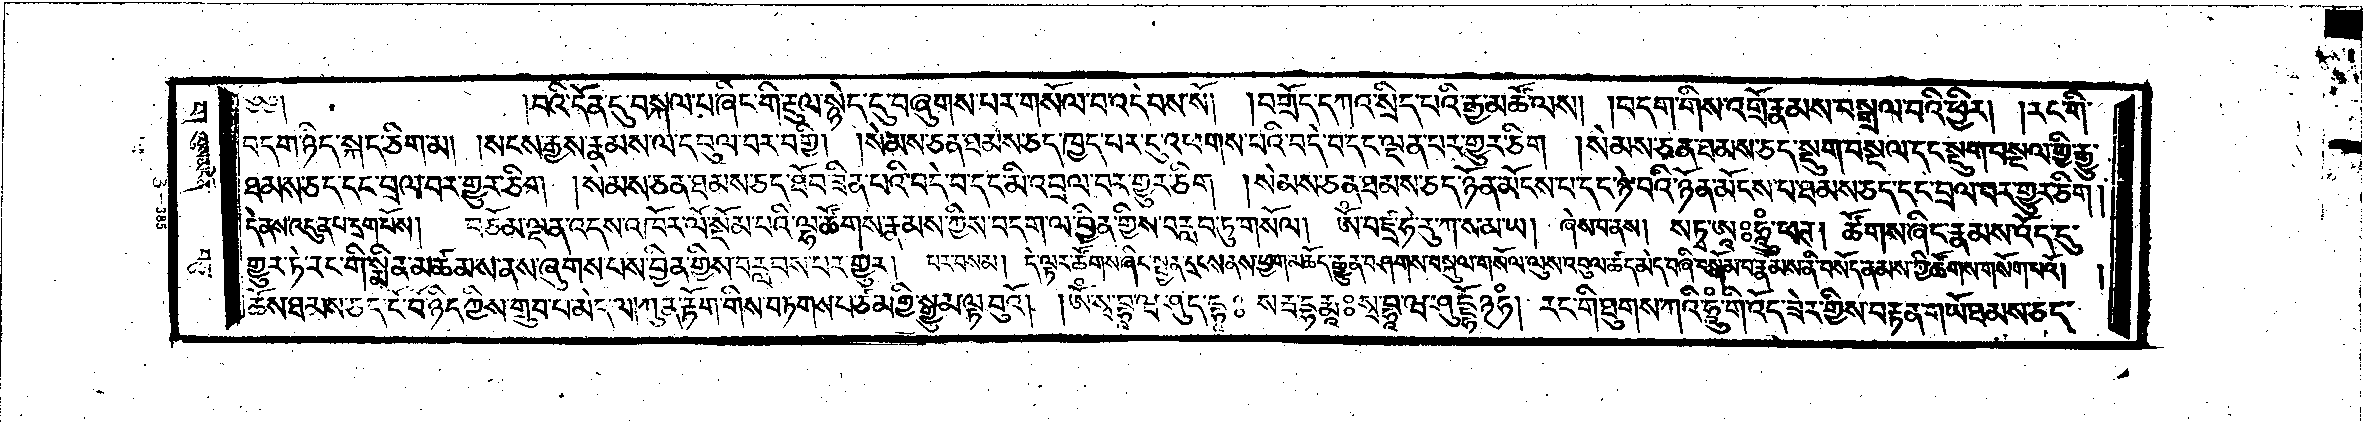༄༅། །བའི་དོན་དུ་བསྐལ་པ་ཞིང་གི་རྡུལ་སྙེད་དུ་བཞུགས་པར་གསོལ་བ་འདེབས་སོ། །བགྲོད་དཀའ་སྲིད་པའི་རྒྱ་མཚོ་ལས། །བདག་གིས་འགྲོ་རྣམས་བསྒྲལ་བའི་ཕྱིར། །རང་གི་
བདག་ཉིད་སྐད་ཅིག་མ། །སངས་རྒྱས་རྣམས་ལ་དབུལ་བར་བགྱི། །སེམས་ཅན་ཐམས་ཅད་ཁྱད་པར་དུ་འཕགས་པའི་བདེ་བ་དང་ལྡན་པར་གྱུར་ཅིག །སེམས་ཅན་ཐམས་ཅད་སྡུག་བསྔལ་དང་སྡུག་བསྔལ་གྱི་རྒྱུ་
ཐམས་ཅད་དང་བྲལ་བར་གྱུར་ཅིག །སེམས་ཅན་ཐམས་ཅད་ཐོབ་ཟིན་པའི་བདེ་བ་དང་མི་འབྲལ་བར་གྱུར་ཅིག །སེམས་ཅན་ཐམས་ཅད་ཉོན་མོངས་པ་དང་ཉེ་བའི་ཉོན་མོངས་པ་ཐམས་ཅད་དང་བྲལ་བར་གྱུར་ཅིག།
དེ་ནས་འདུན་པ་དྲག་པོས།  བཅོམ་ལྡན་འདས་འཁོར་ལོ་སྡོམ་པའི་ལྷ་ཚོགས་རྣམས་ཀྱིས་བདག་ལ་བྱིན་གྱིས་བརླབ་ཏུ་གསོལ། ཨོཾ་བཛྲ་ཧེ་རུ་ཀ་སམ་ཡ། ཞེས་པ་ནས།  སཏྭ་ཨཱཿཧཱུཾ་ཕཊ། ཚོགས་ཞིང་རྣམས་འོད་དུ་
གྱུར་ཏེ་རང་གི་སྨིན་མཚམས་ནས་ཞུགས་པས་བྱིན་གྱིས་བརླབས་པར་གྱུར། པར་བསམ། དེ་ལྟར་ཚོགས་ཞིང་སྤྱན་དྲངས་ནས་ཕྱག་མཆོད་རྒྱུན་བཤགས་བསྐུལ་གསོལ་ལུས་འབུལ་ཚད་མེད་བཞི་བསྒོམ་བ་རྣམས་ནི་བསོད་ནམས་ཀྱི་ཚོགས་གསོག་པའོ། །
ཆོས་ཐམས་ཅད་ངོ་བོ་ཉིད་ཀྱིས་གྲུབ་པ་མེད་ལ། ཀུན་རྟོག་གིས་བཏགས་པ་ཙམ་གྱི་སྒྱུ་མ་ལྟ་བུའོ། །ཨོཾ་སྭ་བྷཱ་ཝ་ཤུད་དྷཱཿསརྦ་དྷརྨཱཿསྭ་བྷཱ་ཝ་ཤུདྡྷོ་ཉཧཾ། རང་གི་ཐུགས་ཀའི་ཧཱུཾ་གི་འོད་ཟེར་གྱིས་བརྟན་གཡོ་ཐམས་ཅད་